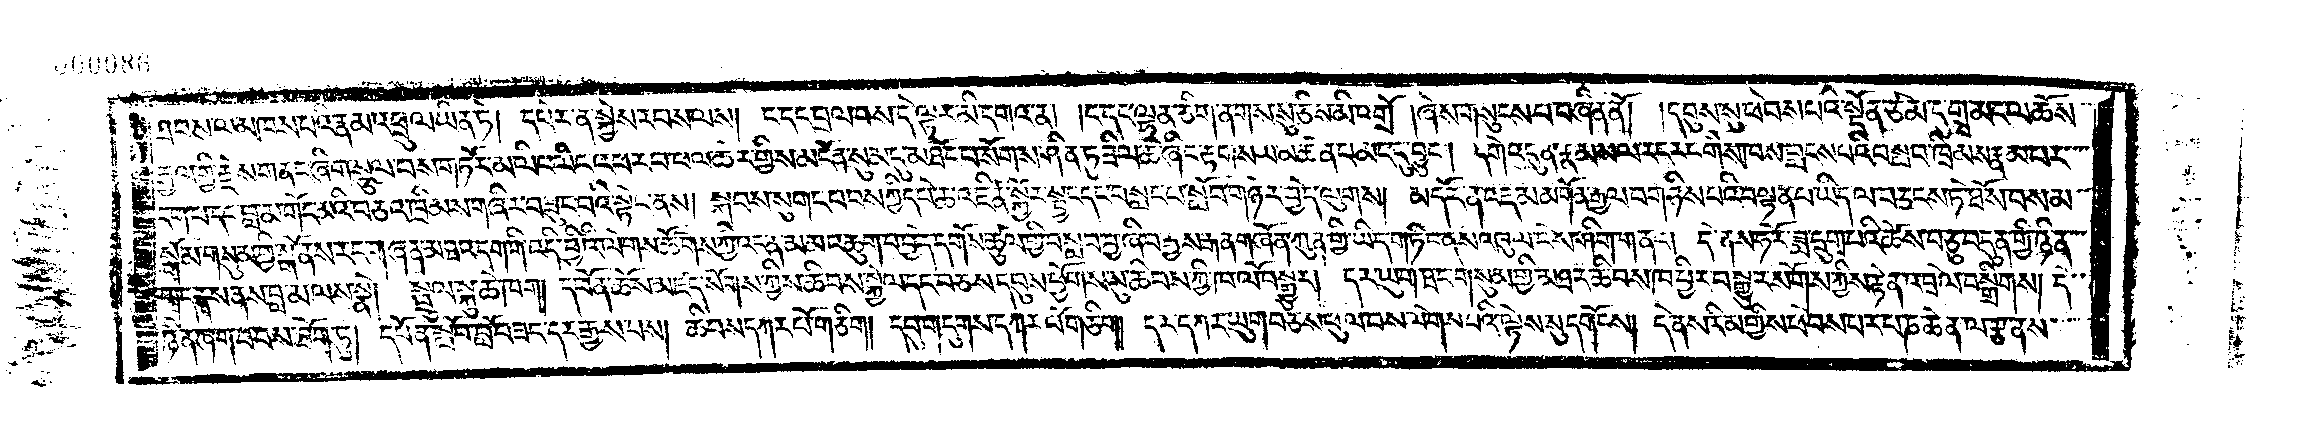ཐབས་ལ་མཁས་པའི་རྣམ་འཕྲུལ་ཡིན་ཏེ། དཔེར་ན་སྐྱེས་རབས་ལས། ང་དང་བྲལ་བས་དེ་ལྟར་མི་དགའ་ན། །ང་དང་ལྷན་ཅིག་ནགས་སུ་ཅིས་མི་འགྲོ་།ཞེས་གསུངས་པ་བཞིན་ནོ། །དབུས་སུ་ཕེབས་པའི་སྔོན་ཙམ་དུ་གྲྭ་མང་ལ་ཆོས་
རྒྱལ་གྱི་རྗེས་གནང་ཞིག་སྩལ་བས་གཏོར་མ་ལིང་ལིང་འཕར་བ་ཕལ་ཆེར་གྱིས་མངོན་སུམ་དུ་མཐོང་བ་སོགས་ཤིན་ཏུ་ཟིལ་ཆེ་ཞིང་རྟགས་ཡ་མཚན་པ་མང་དུ་བྱུང་། དགེ་འདུན་རྣམས་ལ་རང་རང་གིས་ཁས་བླངས་པའི་བསླབ་ཁྲིམས་རྣམ་པར་
དག་པ་དང་བླ་མ་གོང་མའི་བཅའ་ཁྲིམས་གཞིར་བཟུང་བའི་སྟེང་ནས། སྐབས་སུ་གང་བབས་ཀྱི་དཔེ་ཆ་འཛིན་སྐྱོར་སྦྱང་དང་བསླབ་པ་སློབ་གཉེར་བྱེད་ལུགས། མདོར་ན་འཇམ་མགོན་རྒྱལ་བ་གཉིས་པའི་བསྟན་པ་ཡིད་ལ་བཅངས་ཏེ་ཐོས་བསམ་
སྒོམ་གསུམ་གྱི་སྒོ་ནས་རང་གཞན་མཐའ་དག་གི་འདི་ཕྱིའི་ལེགས་ཚོགས་ཀྱི་འདུན་མ་མ་འཆུག་བ་བྱེད་དགོས་ཚུལ་གྱི་བསླབ་བྱ་ཞིབ་རྒྱས་རྒྱན་གཞོན་ཀུན་གྱི་ཡིད་གཉིང་ནས་འཁྲུལ་ངེས་ཤིག་གནང་། དེ་ནས་ཧོར་ཟླ་དྲུག་པའི་ཆོས་བཅུ་བདུན་གྱི་ཉིན་
གདན་ས་ནས་བླ་མ་ལས་སྣེ། སྤྲུལ་སྐུ་ཆེ་ཁག། དབོན་ཆོས་མཛད་སོགས་ཀྱིས་ཆིབས་སྐྱེལ་དང་བཅས་དབུས་ཕྱོགས་སུ་ཆིབས་ཀྱི་ཁ་ལོ་བསྒྱུར། དར་ཡུག་ཐང་གསུམ་གྱི་མཐར་ཆིབས་ཁ་ཕྱིར་བ་སྒྱུར་སོགས་ཀྱིས་རྟེན་འབྲེལ་བསྒྲིགས། དེ་
ཉིན་ཞག་བབས་ཐོག་ཏུ། དཔོན་སློབ་བློ་བཟང་དར་རྒྱས་པས། ཆིབས་དཀར་པོ་གཅིག། དབུ་གདུགས་དཀར་པོ་གཅིག། དར་དཀར་ཡུག་བཅས་ཕུལ་བས་ལེགས་པའི་ལྟས་སུ་དགོངས། དེ་ནས་རིམ་གྱིས་ཕེབས་པར་པཎ་ཆེན་ལ་རྩ་ནས་